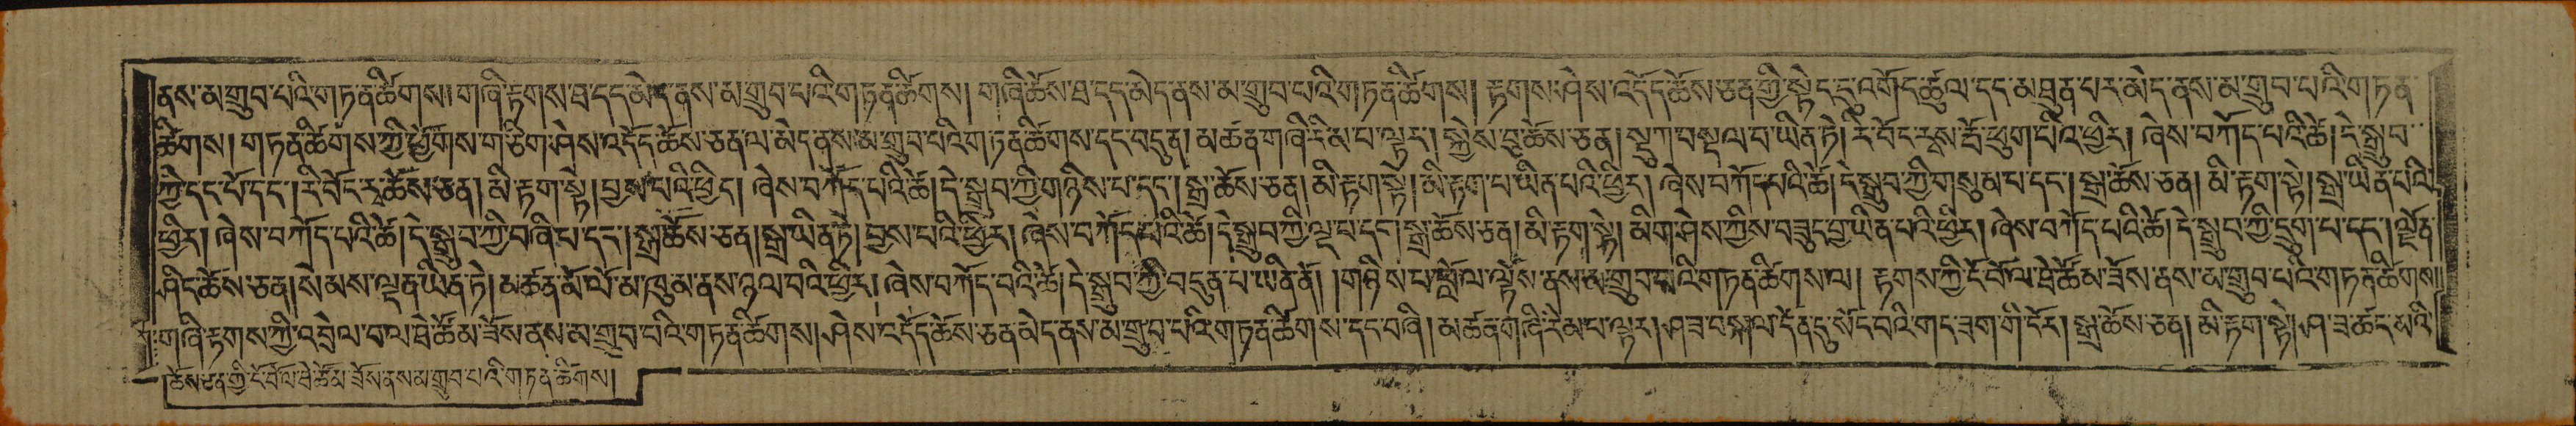ནས་མ་གྲུབ་པའི་གཏན་ཚིགས། གཞི་རྟགས་ཐ་དད་མེད་ནས་མ་གྲུབ་པའི་གཏན་ཚིགས། གཞི་ཆོས་ཐ་དད་མེད་ནས་མ་གྲུབ་པའི་གཏན་ཚིགས། རྟགས་ཤེས་འདོད་ཆོས་ཅན་གྱི་སྟེང་དུ་འགོང་ཚུལ་དང་མཐུན་པར་མེད་ནས་མ་གྲུབ་པའི་གཏན་
ཚིགས། གཏན་ཚིགས་ཀྱི་ཕྱོགས་གཅིག་ཤེས་འདོད་ཆོས་ཅན་ལ་མེད་ནས་མ་གྲུབ་པའི་གཏན་ཚིགས་དང་བདུན། མཚན་གཞི་རིམ་པ་ལྟར། སྐྱེས་བུ་ཆོས་ཅན། སྡུག་བསྔལ་བ་ཡིན་ཏེ། རི་བོང་རྭས་རྦོ་ཕུག་པའི་ཕྱིར། ཞེས་བཀོད་པའི་ཚེ། དེ་སྒྲུབ་
ཀྱི་དང་པོ་དང་། རི་བོང་རྭ་ཆོས་ཅན། མི་རྟག་སྟེ། བྱས་པའི་ཕྱིར། ཞེས་བཀོད་པའི་ཚེ། དེ་སྒྲུབ་ཀྱི་གཉིས་པ་དང་། སྒྲ་ཆོས་ཅན། མི་རྟག་སྟེ། མི་རྟག་པ་ཡིན་པའི་ཕྱིར། ཞེས་བཀོད་པའི་ཚེ། དེ་སྒྲུབ་ཀྱི་གསུམ་པ་དང་། སྒྲ་ཆོས་ཅན། མི་རྟག་སྟེ། སྒྲ་ཡིན་པའི་
ཕྱིར། ཞེས་བཀོད་པའི་ཚེ། དེ་སྒྲུབ་ཀྱི་བཞི་པ་དང་། སྒྲ་ཆོས་ཅན། སྒྲ་ཡིན་ཏེ། བྱས་པའི་ཕྱིར། ཞེས་བཀོད་པའི་ཚེ། དེ་སྒྲུབ་ཀྱི་ལྔ་པ་དང་། སྒྲ་ཆོས་ཅན། མི་རྟག་སྟེ། མིག་ཤེས་ཀྱིས་བཟུང་བྱ་ཡིན་པའི་ཕྱིར། ཞེས་བཀོད་པའི་ཚེ། དེ་སྒྲུབ་ཀྱི་དྲུག་པ་དང་། ལྗོན་
ཤིང་ཆོས་ཅན། སེམས་ལྡན་ཡིན་ཏེ། མཚན་མོ་ལོ་མ་ཁུམ་ནས་ཉལ་བའི་ཕྱིར། ཞེས་བཀོད་པའི་ཚེ། དེ་སྒྲུབ་ཀྱི་བདུན་པ་ཡིན་ནོ། །གཉིས་པ་བློ་ལ་ལྟོས་ནས་མ་གྲུབ་པའི་གཏན་ཚིགས་ལ། རྟགས་ཀྱི་ངོ་བོ་ལ་ཐེ་ཚོམ་ཟོས་ནས་མ་གྲུབ་པའི་གཏན་ཚིགས་
ཆོས་ཅན་གྱི་ངོ་བོ་ལ་ཐེ་ཚོམ་ཟོས་ནས་མ་གྲུབ་པའི་གཏན་ཚིགས། གཞི་རྟགས་ཀྱི་འབྲེལ་བ་ལ་ཐེ་ཚོམ་ཟོས་ནས་མ་གྲུབ་པའི་གཏན་ཚིགས། ཤེས་འདོད་ཆོས་ཅན་མེད་ནས་མ་གྲུབ་པའི་གཏན་ཚིགས་དང་བཞི། མཚན་གཞི་རིམ་པ་ལྟར། ཤ་ཟ་བསྐལ་དོན་དུ་སོང་བའི་གང་ཟག་གི་ངོར། སྒྲ་ཆོས་ཅན། མི་རྟག་སྟེ། ཤ་ཟ་ཚད་མའི་